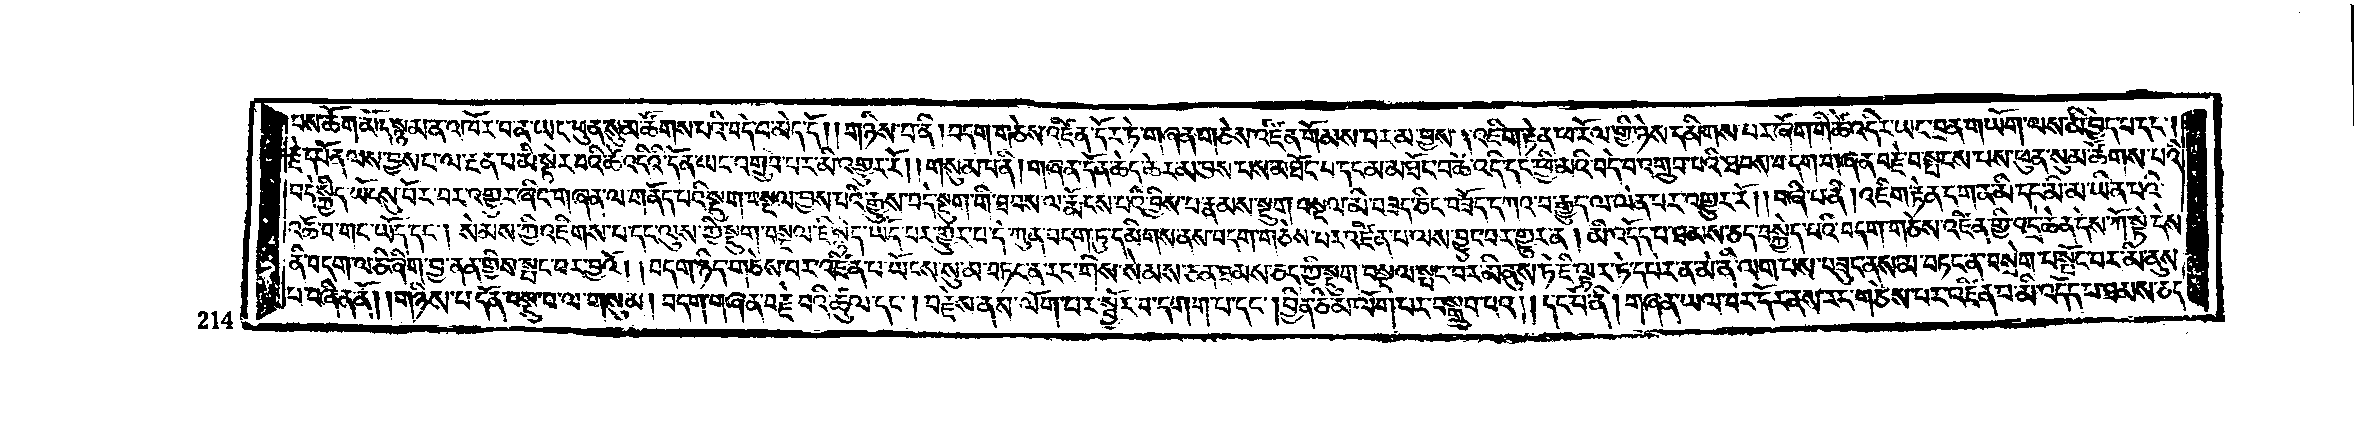པས་ཆོག་མོད་སྙམ་ན་འཁོར་བ་ན་ཡང་ཕུན་སུམ་ཚོགས་པའི་བདེ་བ་མེད་དོ། །གཉིས་པ་ནི། བདག་གཅེས་འཛིན་དོར་ཏེ་གཞན་གཅེས་འཛིན་གོམས་པར་མ་བྱས། འཇིག་རྟེན་ཕ་རོལ་གྱི་ཉེས་དམིགས་པར་ཞོག་གི་ཚེ་འདིར་ཡང་བྲན་གཡོག་ལས་མི་བྱེད་པ་དང་།
རྗེ་དཔོན་ལས་བྱས་པ་ལ་རྔན་པ་མི་སྟེར་བའི་ཚེ་འདིའི་དོན་ཡང་འགྲུབ་པར་མི་འགྱུར་རོ། །གསུམ་པ་ནི། གཞན་དོན་ཆེད་ཆེར་མ་བྱས་པས་མཐོང་བ་དང་མ་མཐོང་བ་ཚེ་འདི་དང་ཕྱི་མའི་བདེ་བ་འགྲུབ་པའི་ཐབས་བདག་གཞན་བརྗེ་པ་སྤངས་པས་ཕུན་སུམ་ཚོགས་པའི་
བདེ་སྐྱིདྱོངས་སུ་བོར་བར་འགྱུར་ཞིང་གཞན་ལ་གནོད་པའི་སྡུག་བསྔལ་བྱས་པའི་རྒྱུས་བདེ་སྡུག་གི་ཐབས་ལ་རྨོངས་པའི་བྱིས་པ་རྣམས་སྡུག་བསྔལ་མི་བཟད་ཅིང་བཟོད་དཀའ་བ་རྒྱུད་ལ་ལེན་པར་འགྱུར་རོ། །བཞི་པ་ནི། འཇིག་རྟེན་དག་ན་མི་དང་མི་མ་ཡིན་པའི་
འཚོ་བ་གང་ཡོད་དང་། སེམས་ཀྱི་འཇིགས་པ་དང་ལུས་ཀྱི་སྡུག་བསྔལ་ཇི་སྙེད་ཡོད་པར་གྱུར་པ་དེ་ཀུན་བདག་ཏུ་དམིགས་ནས་བདག་གཅེས་པར་འཛིན་པ་ལས་བྱུང་བར་བར་གྱུར་ན། མི་འདོད་པ་ཐམས་ཅད་བསྐྱེད་པའི་བདག་གཅེས་འཛིན་གྱི་འདྲེ་ཆེན་དེས་ཁོ་སྟེ་དེས་
ནི་བདག་ལ་ཅི་ཞིག་བྱ་ནན་གྱིས་སྤང་བར་བྱའོ། །བདག་ཉིད་གཅེས་པར་འཛིན་པ་ཡོངས་སུ་མ་བཏང་ན་རང་གིས་སེམས་ཅན་ཐམས་ཅད་ཀྱི་སྡུག་བསྔལ་སྤང་བར་མི་ནུས་ཏེ་ཇི་ལྟར་ཏེ་དཔེར་ན་མེ་ནི་ལག་པས་བཟུང་ནས་མ་བཏང་ན་བསྲེག་པ་སྤོང་བར་མི་ནུས་
པ་བཞིན་ནོ། །གཉིས་པ་དོན་བསྡུ་བ་ལ་གསུམ། བདག་གཞན་བརྗེ་པའི་ཚུལ་དང་། བརྗེས་ནས་ལོག་པར་སྦྱོར་བ་དགག་པ་དང་། བྱིན་ཅི་མ་ལོག་པར་བསྒྲུབ་པའོ། །དང་པོ་ནི། གཞན་ཡལ་བར་དོར་ནས་རང་གཅེས་པར་འཛིན་པ་མི་འདོད་པ་ཐམས་ཅད་